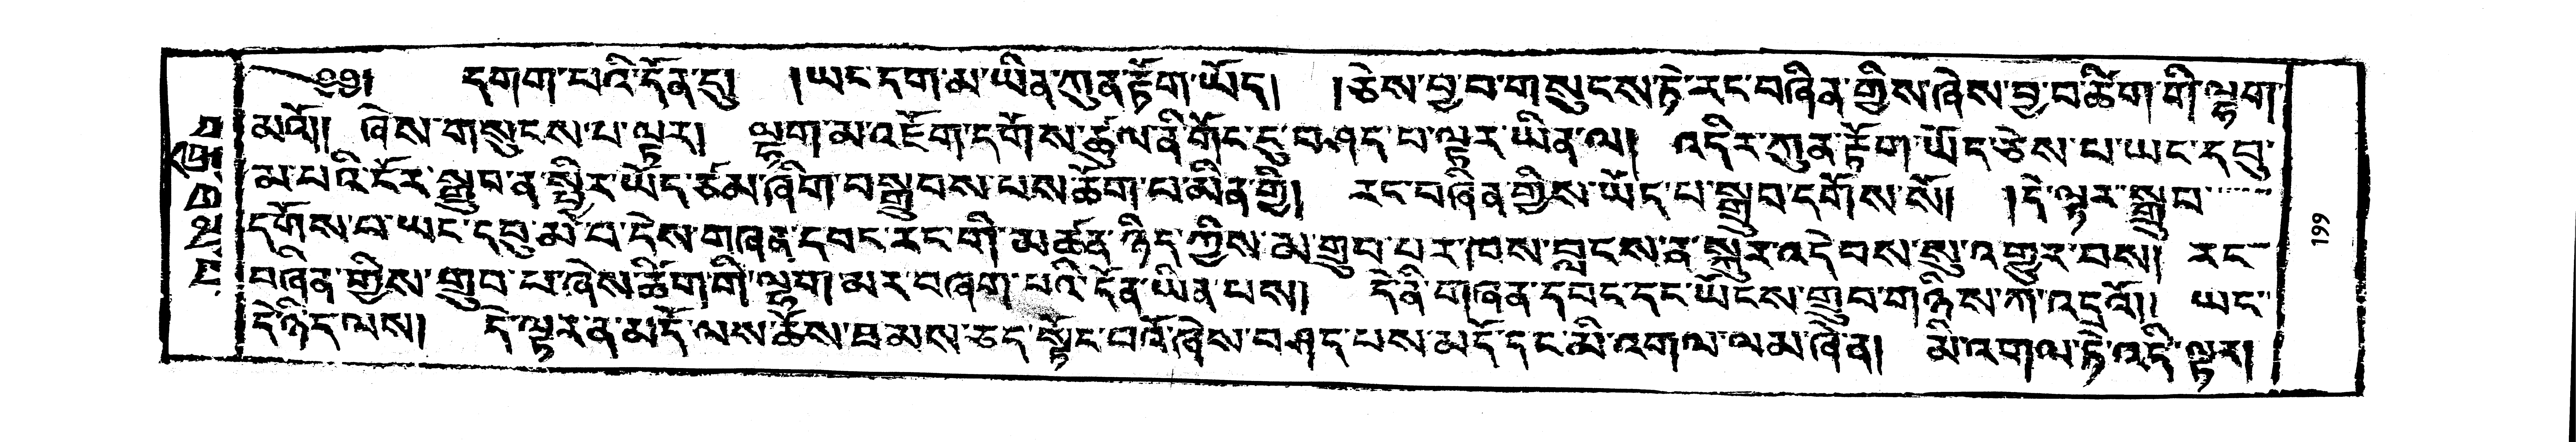༄༅། །དགག་པའི་དོན་དུ། །ཡང་དག་མ་ཡིན་ཀུན་རྟོག་ཡོད། །ཅེས་བྱ་བ་གསུངས་ཏེ་རང་བཞིན་གྱིས་ཞེས་བྱ་བ་ཚིག་གི་ལྷག་
མའོ། །ཞེས་གསུངས་པ་ལྟར། ལྷག་མ་འཇོག་དགོས་ཚུལ་ནི་གོང་དུ་བཤད་པ་ལྟར་ཡིན་ལ། འདིར་ཀུན་རྟོག་ཡོད་ཅེས་པ་ཡང་དབུ་
མ་པའི་ངོར་སྒྲུབ་ན་སྤྱིར་ཡོད་ཙམ་ཞིག་བསྒྲུབས་པས་ཆོག་པ་མིན་གྱི། རང་བཞིན་གྱིས་ཡོད་པ་སྒྲུབ་དགོས་སོ། །དེ་ལྟར་སྒྲུབ་
དགོས་པ་ཡང་དབུ་མ་བ་དེས་གཞན་དབང་རང་གི་མཚན་ཉིད་ཀྱིས་མ་གྲུབ་པར་ཁས་བླངས་ན་སྐུར་འདེབས་སུ་འགྱུར་བས། རང་
བཞིན་གྱིས་གྲུབ་པ་ཞེས་ཚིག་གི་ལྷག་མར་བཞག་པའི་དོན་ཡིན་པས། དེ་ནི་གཞན་དབང་དང་ཡོངས་གྲུབ་གཉིས་ཀ་འདྲའོ། །ཡང་
དེ་ཉིད་ལས། དེ་ལྟར་ན་མདོ་ལས་ཆོས་ཐམས་ཅད་སྟོང་བའོ་ཞེས་བཤད་པས་མདོ་དང་མི་འགལ་ལམ་ཞེ་ན། མི་འགལ་ཏེ་འདི་ལྟར།